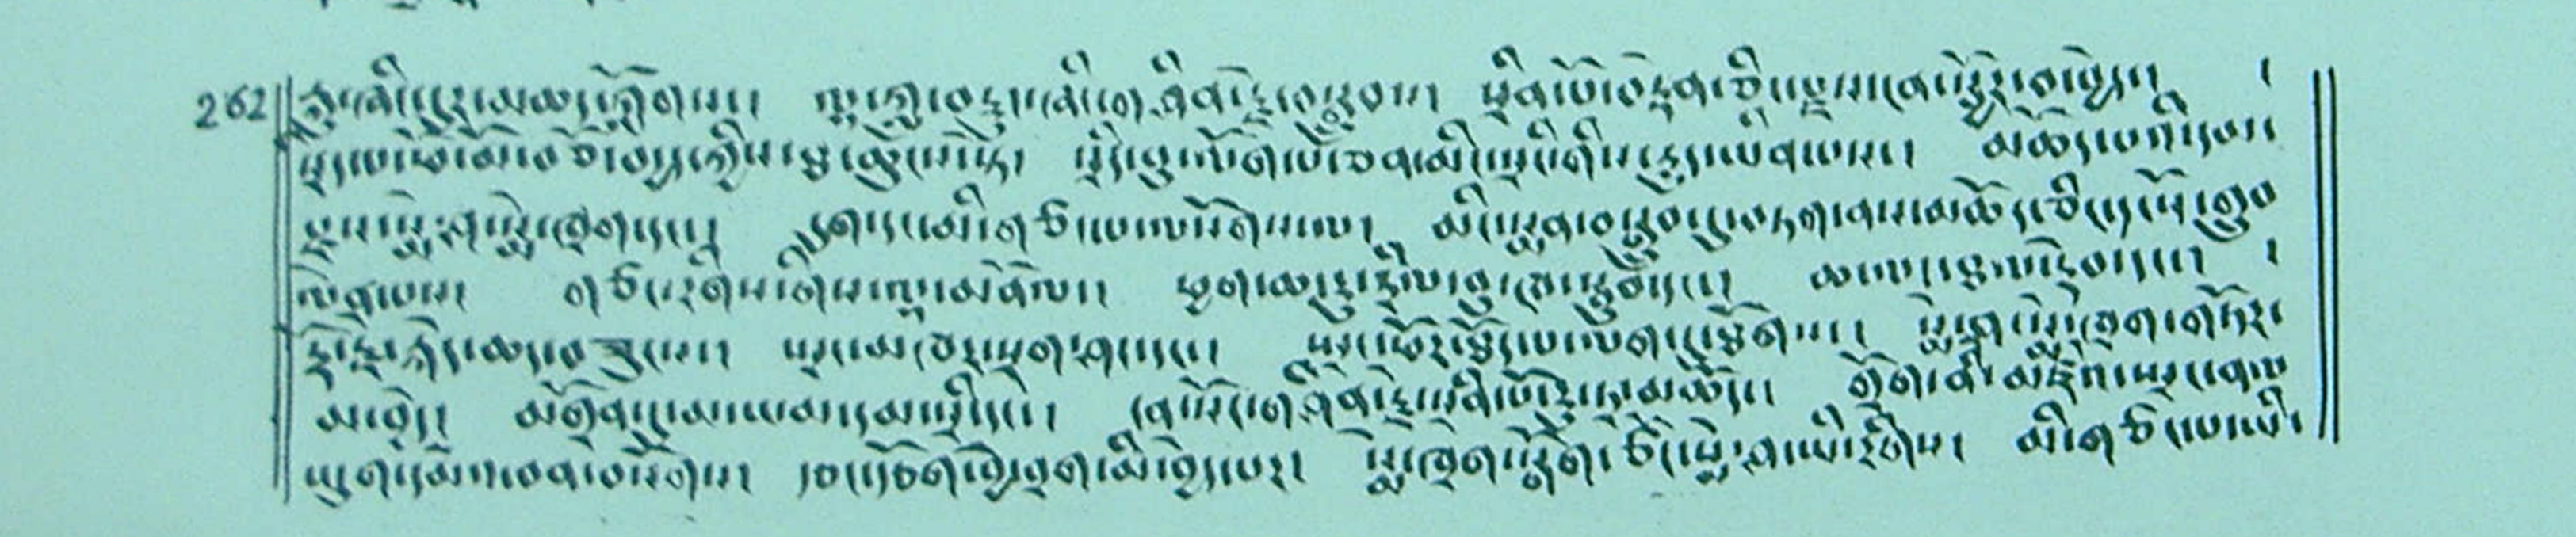རྐུ་ཞིང་དུར་མཆད་རློགས། ལྷ་ཀླུ་བརྡུང་ཞིང་གཤིན་རྗེ་བསྒྲུབས། སྲིན་པོ་བརྟེན་ཅིང་རྫས་ངན་སྦྱོར་བ་བྱེད། 
སྲིད་པ་ཕོ་མོ་བཅོ་བརྒྱད་ཀྱི་ཐ་ཆུངས་སྟེ། སྲིད་བུ་ལོག་པ་ཅན་མིང་སྲིང་གིས་རྒྱུད་ཡིན་པས། མཆོད་པའི་དམ་
རྫས་སྨེ་ཤ་སྨེ་ཁྲག་དང་། དུག་དང་མི་གཙང་བ་ལས་སོགས་ལ། མིང་སྨན་བསྒྲུབ་ཏུ་གཏགས་ནས་མཆོད་ཅིང་དངོས་གྲུབ་
ལེན་པས། གཙང་རིགས་ཀྱི་ལྷ་མནོལ་བས། ཕྱག་ཆ་རུ་དྲིལ་བུ་ཁ་སྦུབ་དང་། ཆང་ལང་ཐལ་རྡེབ་དང་། 
རྡོ་རྗེ་རྐེད་ཆད་བཟུངས། སྤྲང་མཁར་སྲག་ཤང་དང་། སྤྲང་ཕོར་ཐོད་པ་ལག་ཏུ་ཐོགས། སྨེ་ཤ་སྨེ་ཁྲག་ལ་ནི་གཏོར་
མ་བྱེད། མགྲོན་དུ་མ་ཡམ་དམ་སྲི་དང་། ངན་སོང་གཤིན་རྗེ་སྲིན་པོ་རུ་ཏྲ་མཆོད། གྲོགས་ནི་མཛེ་སྤྲང་ནལ་
ཡུག་དམེའ་བན་བསོགས། རྩང་རྩོག་བྱེ་བྲག་མི་བྱེད་པར། སྨེ་ཁྲག་སྒོག་ཙོང་སྨེ་ཤ་ཡི་རིགས། མི་གཙང་བ་ཡི་